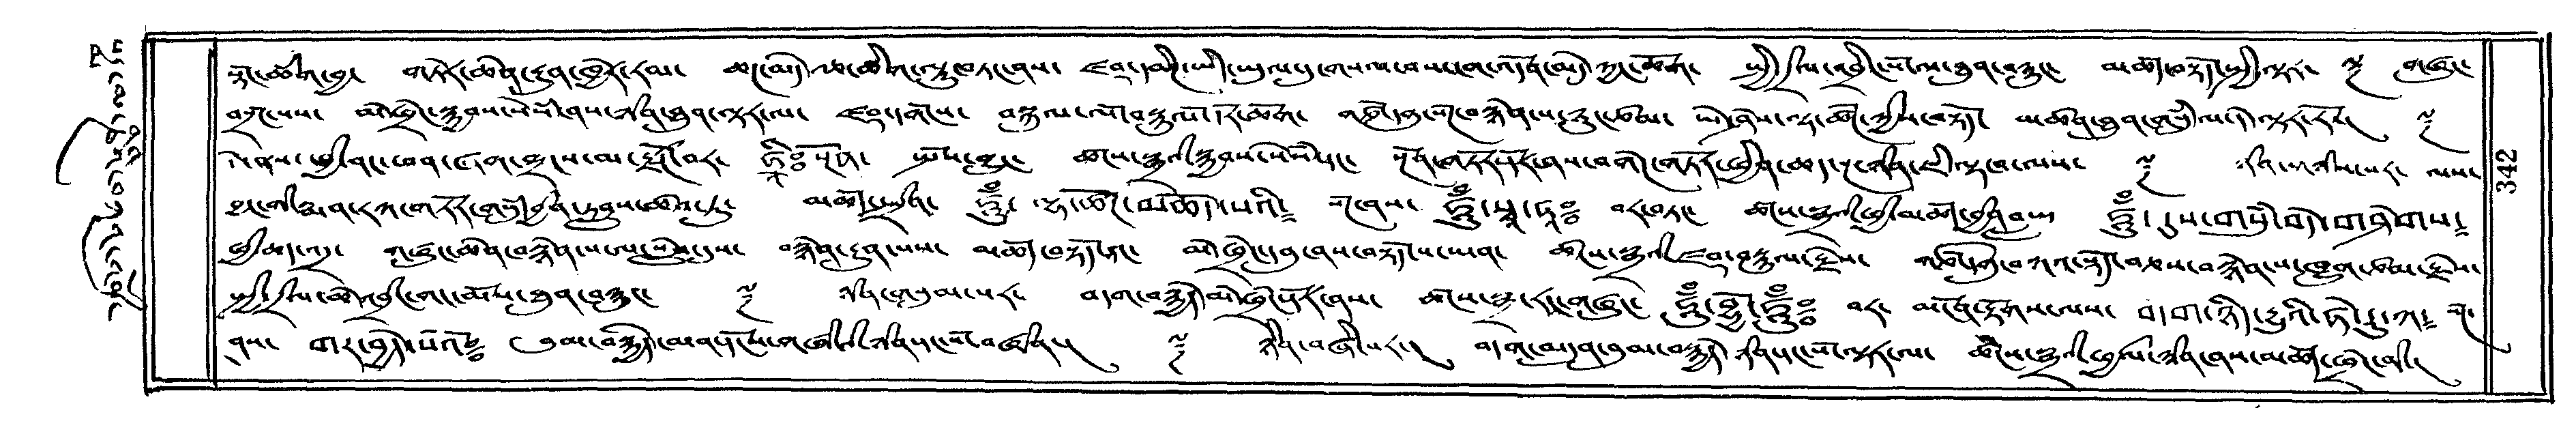སྟོང་ཚིག་བྱ། གཏེར་ཆེན་རྒྱུན་ཁྱེར་རམ། ཆགས་མེད་རྩ་ཚིག་ལྟ་བུ་བཏང་ནས། ༈ ཛཔྲ་དམིགས་ཡིད་ཡུལ་དུ་གསལ་བས་ངག་འདོན་མེད་ཀྱང་ཆོག སྤྱི་དྲིལ་འབྲིང་པོ་ལ་ཐུན་བཟུང་། མཆོད་སྟོད་སྤྱི་ལྟར། གཞུང་
བསྲོང་པས། མེ་ཕྲེང་སྐྱབས་སེམས་ནས་ཉིན་ཐུན་ལྟར་ལ། ཛཔྲ་དགོངས། བསྐུལ་ལོ་བསྐུལ་ལོ༴ དོར་ཀྱང་ཆོག གཙོ་དགུ་སོགས་སྙེན་པ་ཉུང་ཙམ། ཡེ་ཤེས་ལྷ་ཚོགས༴ ཀྱི་བསྟོད། མཚན་ཐུན་གསུམ་ལ་དེ་ལྟར་རོ། 
དེ་ནས་ཕྱིར་ནངས་ཕན་ཞག་གྲངས་མ་རྫོགས་བར། ཧྲཱིཿ སྔོན་གྱི༴ སྤོས་ཕྱུང་། ཚངས་སྒྲའི་སྐྱབས་སེམས་དང་། སྔོན་གཏོར་དོར་ནས་བགེགས་གཏོར་ཕྱིན་ཆད་སྔ་ཉིན་ཇི་ལྟ་བ་ལས། ཉིན་གཉིས་པར་ལས་
བྱང་གི་སྨན་རཀ་གཏོར་གསུམ་བྱིན་རླབས་ཚབ་ཏུ། མཆོད་སྤྲིན། ཧཱུྃ༔ ལྷ་ཚོགས་མཆོད་པའི༴ སོགས་ནས། ཧཱུྃ་སྭ་ཧཱ༔ བར་གཏང་། ཚངས་སྒྲའི་ཕྱི་མཆོད་བྱིན་རླབས། ཧཱུྃ༔ དུས་གསུམ་བདེ་གཤེགས༴ 
ཕྱིན་ཆད་འདྲ། གཞུང་ཆེན་སྙེན་པ་ལ་སླེབས་དུས། བསྙེན་རྒྱུན་པས་མཆོད་བསྟོད་དང་། མེ་ཕྲེང་དབུ་ནས་བསྟོད་པ་ཡན། ཚངས་སྒྲའི་ཛཔྲ་སྐུལ་རྗེས། གཙོ་དགུ་བཀའ་བསྡོད་བཅས་བསྙེན་པ་ཁྱུག་ཙམ་རྗེས་
སྤྱི་དྲིལ་ཆེ་འབྲིང་གང་མོས་ཐུན་གཟུང་།ཉིན་གསུམ་པར། བདག་བསྐྱེད་མེ་ཕྲེང་དོར་ནས། ཚངས་སྒྲ་རང་གཞུང་། ཧཱུྃ་བྷྱོ་ཧཱུྃ༔ བར། མངོན་རྟོགས་ལས། བདག་ཉིད་རྒྱུའི་ཧེ་རུ་ཀ༴ སོགས་
ནས། གར་བྱེད་པའོ༔ བུམ་བསྐྱེད་མན་དངོས་གཞིའི་ཉིན་དང་པོ་བཞིན། ཉིན་བཞི་པར། བདག་མདུན་བུམ་བསྐྱེད་ཉིན་དང་པོ་ལྟར་ལ། ཚངས་སྒྲའི་ཕྱག་འཚལ་ཟིན་ནས་མཆོད་ཕྲེང་གི